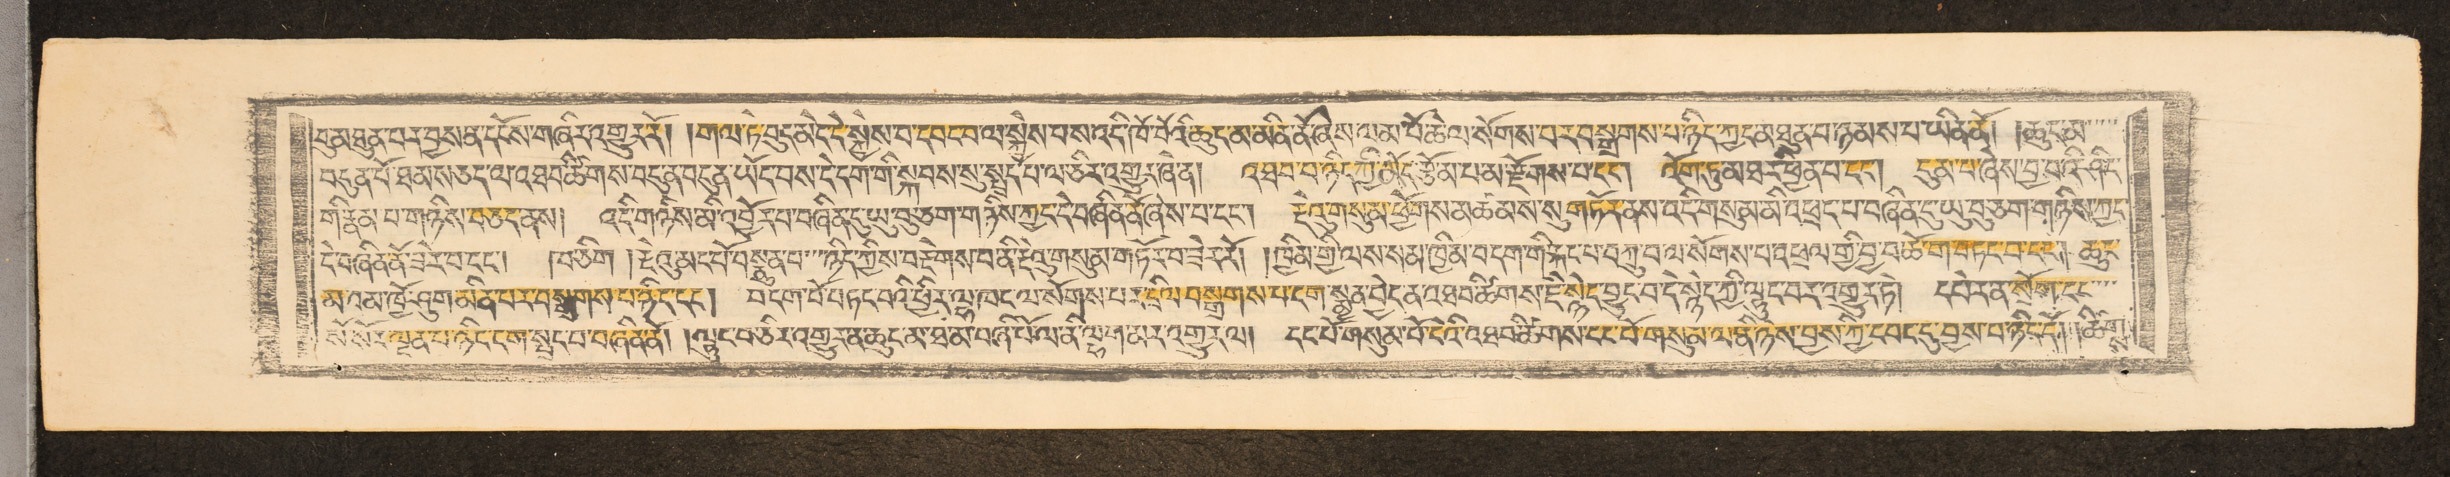བུ་མཐུན་པར་བྱས་ན་དངོས་གཞིར་འགྱུར་རོ། །གལ་ཏེ་བུད་མེད་དེ་སྐྱེས་པ་དབང་བ་ལ་སྐྱེས་པས་འདི་ཁོ་བོའི་ཆུང་མ་མིན་ནོ་ཞེས་ལམ་པོ་ཆེ་ལ་ལོགས་པར་བསྒྲགས་པ་ཉིད་ཀྱང་མཐུན་པ་ཉམས་པ་ཡིན་ནོ། །ཆུང་མ་
བདུན་པོ་ཐམས་ཅད་ལ་འཐབ་ཚིགས་བདུན་ཡོད་པས་དེ་དག་གི་སྐབས་སུ་སྤྲད་པ་ལ་ཅིར་འགྱུར་ཞེ་ན། འཐབ་པ་ཉིད་ཀྱི་མོད་རྩོམ་པ་མ་རྫོགས་པ་དང་། འོག་ཏུ་མཐར་ཕྱིན་པ་དང་། དུམ་པ་ཞེས་བྱ་བའི་ཤིང་
གི་རྣམ་པ་གཉིས་བཅད་ནས། འདི་གཉིས་མི་འབྱོར་བ་བཞིན་དུ་ཡུ་བུ་ཅག་གཉིས་ཀྱང་དེ་བཞིན་ནོ་ཞེས་པ་དང་། རྡེའུ་གསུམ་ཕྱོགས་མཚམས་སུ་གཏོར་ནས་འདི་གསུམ་མི་འཕྲད་པ་བཞིན་དུ་ཡུ་བུ་ཅག་གཉིས་ཀྱང་
དེ་བཞིན་ནོ་ཟེར་བ་དང་། ཁ་ཅིག །རྡེའུ་མང་པོ་བསྣུན་པ་ཉིད་ཀྱིས་བརྡེགས་པ་ནི་རྡེའུ་གསུམ་གཏོར་བ་ཟེར་རོ། །ཁྱིམ་གྱི་ལས་སམ་ཁྱིམ་བདག་གི་རྐང་པ་བཀྲུ་བ་ལ་སོགས་པ་འཕྲལ་གྱི་བྱ་བ་ཆོ་ག་བཏད་བ་དང་། ཆུང་
མ་འམ་ཁྱོ་ཤུག་མིན་པར་བསྒྲགས་པ་ཉིད་དང་། བདག་པོ་བཏང་བའི་ཕྱིར་ལྷ་ཁང་ལ་སོགས་པར་དྲིལ་བསྒྲགས་པ་དག་སྨྱན་བྱེད་ན་འཐབ་ཚིགས་ཇི་སྙེད་བྱུང་བ་དེ་སྙེད་ཀྱི་ལྟུང་བར་འགྱུར་ཏེ། དཔེར་ན་སྲོག་དང་
སོ་སོར་ལྡན་པ་ཉིད་དག་སྤྲང་བ་བཞིན་ནོ། །ལྟུང་བ་ཅིར་འགྱུར་ན་ཆུང་མ་ཐ་མ་བཞི་པོ་ལ་ནི་ལྷག་མར་འགྱུར་ལ། དང་པོ་གསུམ་པོ་དེའི་འཐབ་ཚིགས་དང་པོ་གསུམ་ལ་ནི་ཉེས་བྱས་ཀྱི་དབང་དུ་བྱས་པ་ཉིད་དོ། །ཚིགས་